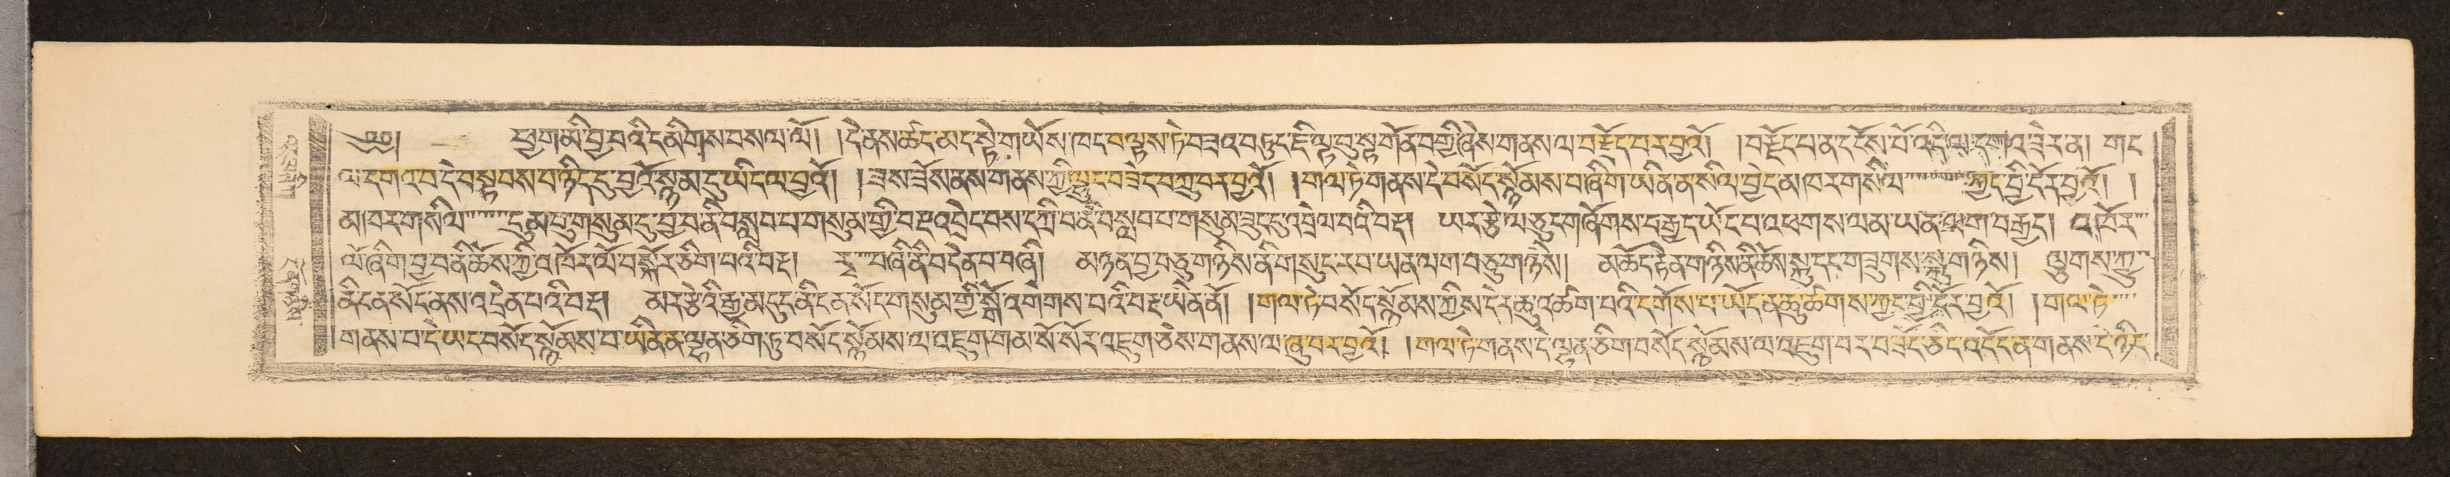༄༅། །ཕྱག་མི་བྱ་བའི་དམིགས་བསལ་ལོ། །དེ་ནས་ཚང་མང་སྟེ་གཡོས་ཁང་བལྟས་ཏེ་བཟའ་བཏུང་ཇི་ལྟ་བུ་སྟ་གོན་བགྱི་ཞེས་གནས་ལ་བརྗོད་པར་བྱའོ། །བརྗོད་པ་ན་དངོས་པོ་འདི་ལ་དགའ་ཟེར་ན། གང་
ལ་དགའ་བ་དེ་བསྟབས་པ་ཉིད་དུ་བྱའོ་སྙམ་དུ་ཡིད་ལ་བྱའོ། །ཟས་ཟོས་ནས་གནས་ཀྱི་ལྷུང་བཟེད་བཀྲུ་བར་བྱའོ། །གལ་ཏེ་གནས་དེ་བསོད་སྙོམས་པ་ཞིག་ཡིན་ན་སིལ་བྱེད་མཁར་གསིལ་ཀྱང་བྱི་དོར་བྱའོ། །
མཁར་གསིལ་དུམ་བུ་གསུམ་དུ་བྱ་བ་ནི་བསླབ་པ་གསུམ་གྱི་བརྡ་འབྲེང་བས་དཀྲི་བ་ནི་བསླབ་པ་གསུམ་ཟུང་དུ་འབྲེལ་བའི་བརྡ། ཡར་རྩེ་ལ་ཅུང་གཞོགས་བརྒྱད་ཡོད་པ་འཕགས་ལམ་ཡན་ལག་བརྒྱད། འཁོར་
ལོ་ཞིག་བྱ་བ་ནི་ཆོས་ཀྱི་འཁོར་ལོ་བསྐོར་ཅིག་པའི་བརྡ། རྭ་བཞི་ནི་བདེན་པ་བཞི། མཉན་བྱ་བཅུ་གཉིས་ནི་གསུང་རབ་ཡན་ལག་བཅུ་གཉིས། མཆོད་རྟེན་གཉིས་ནི་ཆོས་སྐུ་དང་གཟུགས་སྐུ་གཉིས། ལྕགས་ཀྱུ་
ནི་ངན་སོང་ནས་འདྲེན་པའི་བརྡ། མར་རྩེའི་རྒྱ་མདུད་ནི་ངན་སོང་གསུམ་གྱི་སྒོ་འགེགས་པའི་བརྡ་ཡིན་ནོ། །གལ་ཏེ་བསོད་སྙོམས་ཀྱིས་དེར་ཆུ་འཚག་པའི་དགོས་པ་ཡོད་ན་ཆུ་ཚགས་ཀྱང་བྱི་དོར་བྱའོ། །གལ་ཏེ་
གནས་པ་དེ་ཡང་བསོད་སྙོམས་པ་ཡིན་ན་ལྷན་ཅིག་ཏུ་བསོད་སྙོམས་ལ་འཇུག་གམ་སོ་སོར་འཇུག་ཅེས་གནས་ལ་ཞུ་བར་བྱའོ། །གལ་ཏེ་གནས་དེ་ལྷན་ཅིག་བསོད་སྙོམས་ལ་འཇུག་པར་བཟོད་ཅིང་འདོད་ན་གནས་དེ་ཉིད་